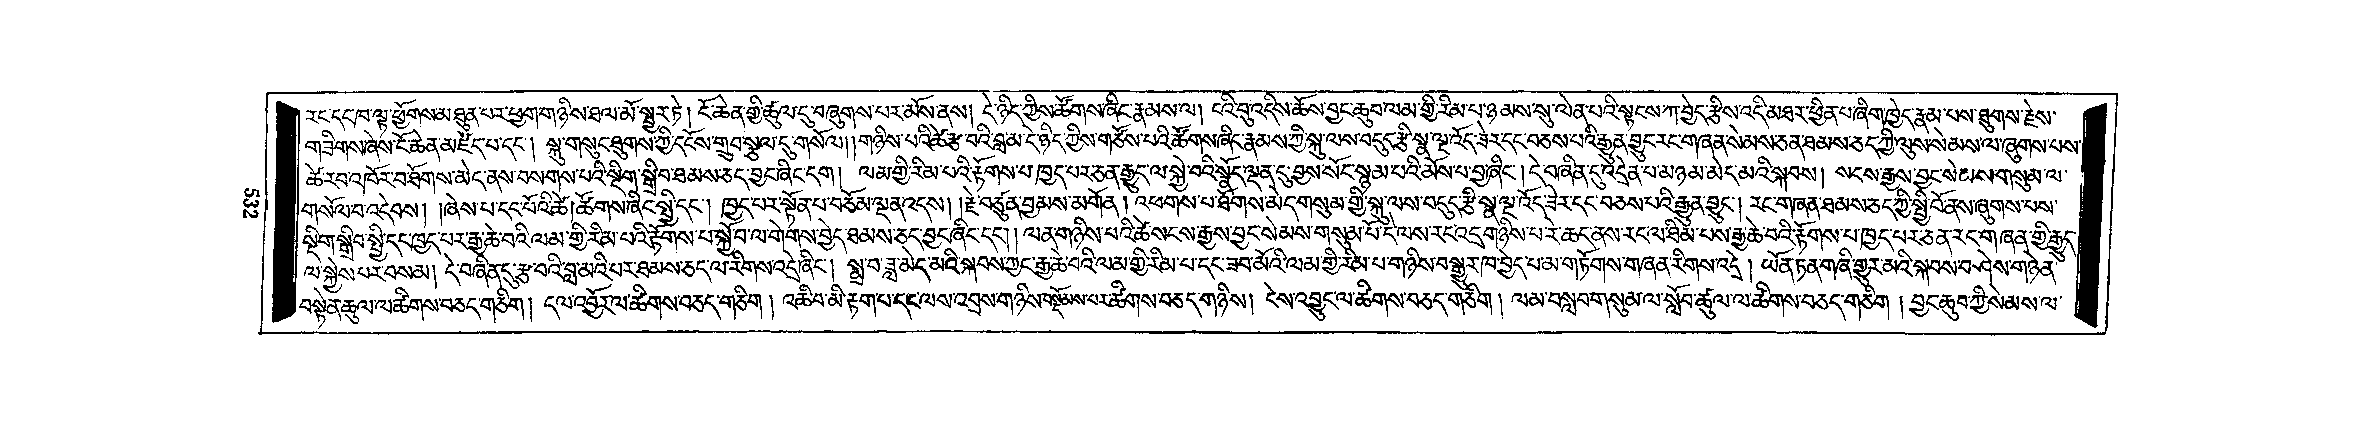རང་དང་ཁ་ལྟ་ཕྱོགས་མཐུན་པར་ཕྱག་གཉིས་ཐལ་མོ་སྦྱར་ཏེ། ངོ་ཆེན་གྱི་ཚུལ་དུ་བཞུགས་པར་མོས་ནས། དེ་ཉིད་ཀྱིས་ཚོགས་ཞིང་རྣམས་ལ། ངའི་བུ་འདིས་ཆོས་བྱང་ཆུབ་ལམ་གྱི་རིམ་པ་ཉམས་སུ་ལེན་པའི་སྟངས་ཀ་བྱེད་རྩིས་འདི་མཐར་ཕྱིན་པ་ཞིག་ཁྱེད་རྣམ་པས་ཐུགས་རྗེས་
གཟིགས་ཞེས་ངོ་ཆེན་མཛོད་པ་དང་། སྐུ་གསུང་ཐུགས་ཀྱི་དངོས་གྲུབ་སྩལ་དུ་གསོལ། །གཉིས་པའི་ཚེ་རྩ་བའི་བླ་མ་དེ་ཉིད་ཀྱིས་གཙོས་པའི་ཚོགས་ཞིང་རྣམས་ཀྱི་སྐུ་ལས་བདུད་རྩི་སྣ་ལྔ་འོད་ཟེར་དང་བཅས་པའི་རྒྱུན་བྱུང་རང་གཞན་སེམས་ཅན་ཐམས་ཅད་ཀྱི་ལུས་སེམས་ལ་ཞུགས་པས་
ཚེ་རབ་འཁོར་བ་ཐོགས་མེད་ནས་བསགས་པའི་སྡིག་སྒྲིབ་ཐམས་ཅད་བྱང་ཞིང་དག །ལམ་གྱི་རིམ་པའི་རྟོགས་པ་ཁྱད་པར་ཅན་རྒྱུད་ལ་སྐྱེ་བའི་སྣོད་ལྡན་དུ་བྱས་སོང་སྙམ་པའི་མོས་པ་བྱ་ཞིང་། དེ་བཞིན་དུ་འདྲེན་པ་མཉམ་མེད་མའི་སྐབས། སངས་རྒྱས་བྱང་སེམས་གསུམ་ལ་
གསོལ་བ་འདེབས། །ཞེས་པ་དང་པོའི་ཚེ། ཚོགས་ཞིང་སྤྱི་དང་། ཁྱད་པར་སྟོན་པ་བཅོམ་ལྡན་འདས། །རྗེ་བཙུན་བྱམས་མགོན། འཕགས་པ་ཐོགས་མེད་གསུམ་གྱི་སྐུ་ལས་བདུད་རྩི་སྣ་ལྔ་འོད་ཟེར་དང་བཅས་པའི་རྒྱུན་བྱུང་། རང་གཞན་ཐམས་ཅད་ཀྱི་སྤྱི་བོ་ནས་ཞུགས་པས་
སྡིག་སྒྲིབ་སྤྱི་དང་ཁྱད་པར་རྒྱ་ཆེ་བའི་ལམ་གྱི་རིམ་པའི་རྟོགས་པ་སྐྱོ་བ་ལ་གེགས་བྱེད་ཐམས་ཅད་བྱང་ཞིང་དང་། །ལན་གཉིས་པའི་ཚེ་སངས་རྒྱས་བྱང་སེམས་གསུམ་པོ་དེ་ལས་རང་འདྲ་གཉིས་པ་རེ་ཆད་ནས་རང་ལ་ཐིམ་པས་རྒྱ་ཆེ་བའི་རྟོགས་པ་ཁྱད་པར་ཅན་རང་གཞན་གྱི་རྒྱུད་
ལ་སྐྱེས་པར་བསམ། དེ་བཞིན་དུ་རྩ་བའི་བླ་མའི་པར་ཐམས་ཅད་ལ་རིགས་འདྲེ་ཞིང་། སྨྲ་བ་ཟླ་མེད་མའི་སྐབས་ཀྱང་རྒྱ་ཆེ་བའི་ལམ་གྱི་རིམ་པ་དང་ཟབ་མོའི་ལམ་གྱི་རིམ་པ་གཉིས་བསྒྱུར་ཁ་བྱེད་པ་མ་གཏོགས་གཞན་རིགས་འདྲེ། ཡོན་ཏན་གཞི་གྱུར་མའི་སྐབས་བཤེས་གཉེན་
བསྟེན་ཚུལ་ལ་ཚིགས་བཅད་གཅིག །དལ་འབྱོར་ལ་ཚིགས་བཅད་གཅིག །འཆི་བ་མི་རྟག་པ་དང་ལས་འབྲས་གཉིས་བསྡོམས་པར་ཚིགས་བཅད་གཉིས། ངེས་འབྱུང་ལ་ཚིགས་བཅད་གཅིག །ལམ་བསླབ་གསུམ་ལ་སློབ་ཚུལ་ལ་ཚིགས་བཅད་གཅིག །བྱང་ཆུབ་ཀྱི་སེམས་ལ་